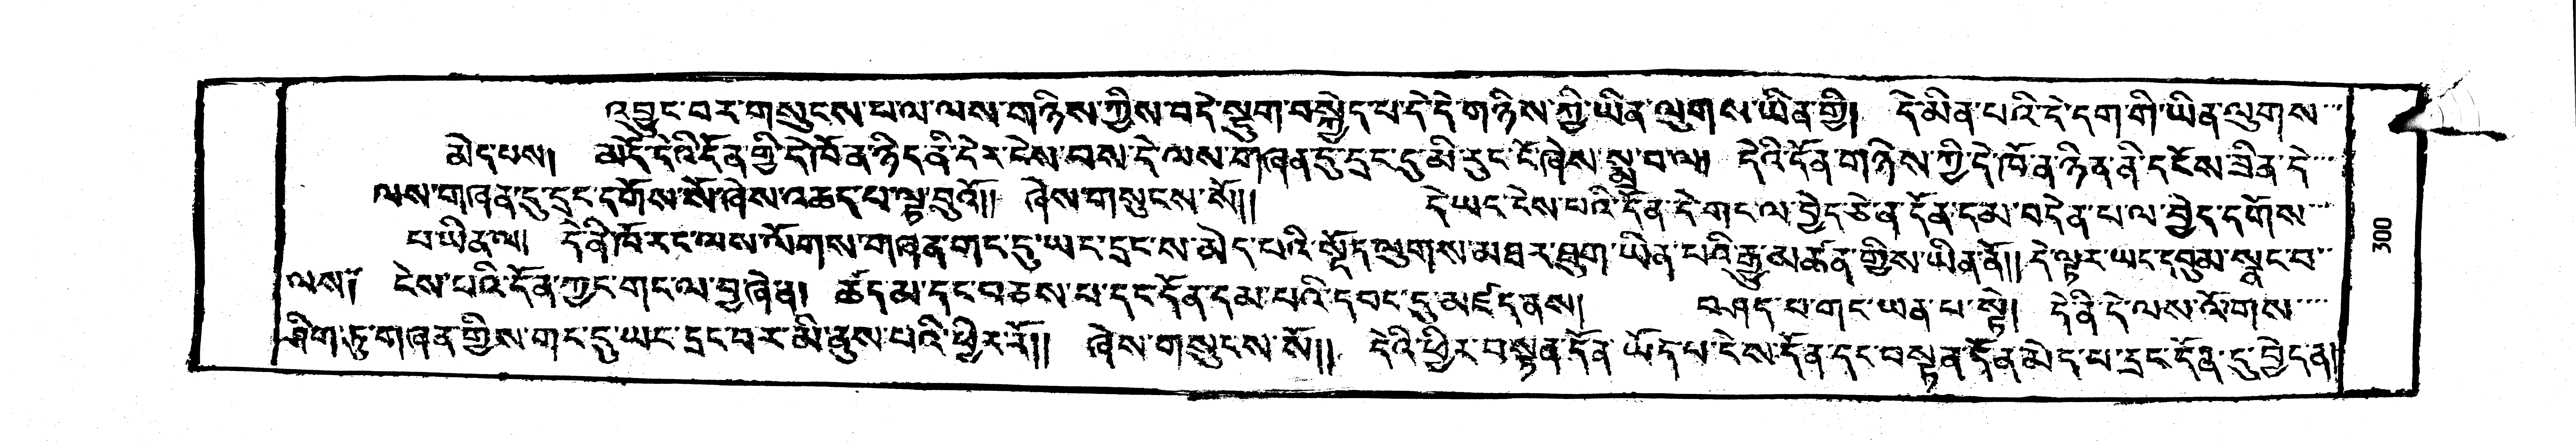འབྱུང་བར་གསུངས་པ་ལ་ལས་གཉིས་ཀྱིས་བདེ་སྡུག་བསྐྱེད་པ་དེ་དེ་གཉིས་ཀྱི་ཡིན་ལུགས་ཡིན་གྱི། དེ་མིན་པའི་དེ་དག་གི་ཡིན་ལུགས་
མེད་པས། མདོ་དེའི་དོན་གྱི་དེ་ཁོ་ན་ཉིད་ནི་དེར་ངེས་པས་དེ་ལས་གཞན་དུ་དྲང་དུ་མི་རུང་ངོ་ཞེས་སྨྲ་བ་ལ། དེའི་དོན་གཉིས་ཀྱི་དེ་ཁོ་ན་ཉིན་ནི་དངོས་ཟིན་དེ་
ལས་གཞན་དུ་དྲང་དགོས་སོ་ཞེས་འཆད་པ་ལྟ་བུའོ། །ཞེས་གསུངས་སོ། །དེ་ཡང་ངེས་པའི་དོན་དེ་གང་ལ་བྱེད་ཅེ་ན་དོན་དམ་བདེན་པ་ལ་བྱེད་དགོས་
པ་ཡིན་ལ། དེ་ནི་ཁོ་རང་ལས་ལོགས་གཞན་གང་དུ་ཡང་དྲང་ས་མེད་པའི་སྡོད་ལུགས་མཐར་ཐུག་ཡིན་པའི་རྒྱུ་མཚན་གྱིས་ཡིན་ནོ། །དེ་ལྟར་ཡང་དབུ་མ་སྣང་བ་
ལས། ངེས་པའི་དོན་ཀྱང་གང་ལ་བྱ་ཞེ་ན། ཚད་མ་དང་བཅས་པ་དང་དོན་དམ་པའི་དབང་དུ་མཛད་ནས། བཤད་པ་གང་ཡིན་པ་སྟེ། དེ་ནི་དེ་ལས་ལོགས་
ཤིག་ཏུ་གཞན་གྱིས་གང་དུ་ཡང་དྲང་བར་མི་ནུས་པའི་ཕྱིར་རོ། །ཞེས་གསུངས་སོ། །དེའི་ཕྱིར་བསྟན་དོན་ཡོད་པ་ངེས་དོན་དང་བསྟན་དོན་མེད་པ་དྲང་དོན་དུ་བྱེད་ན།